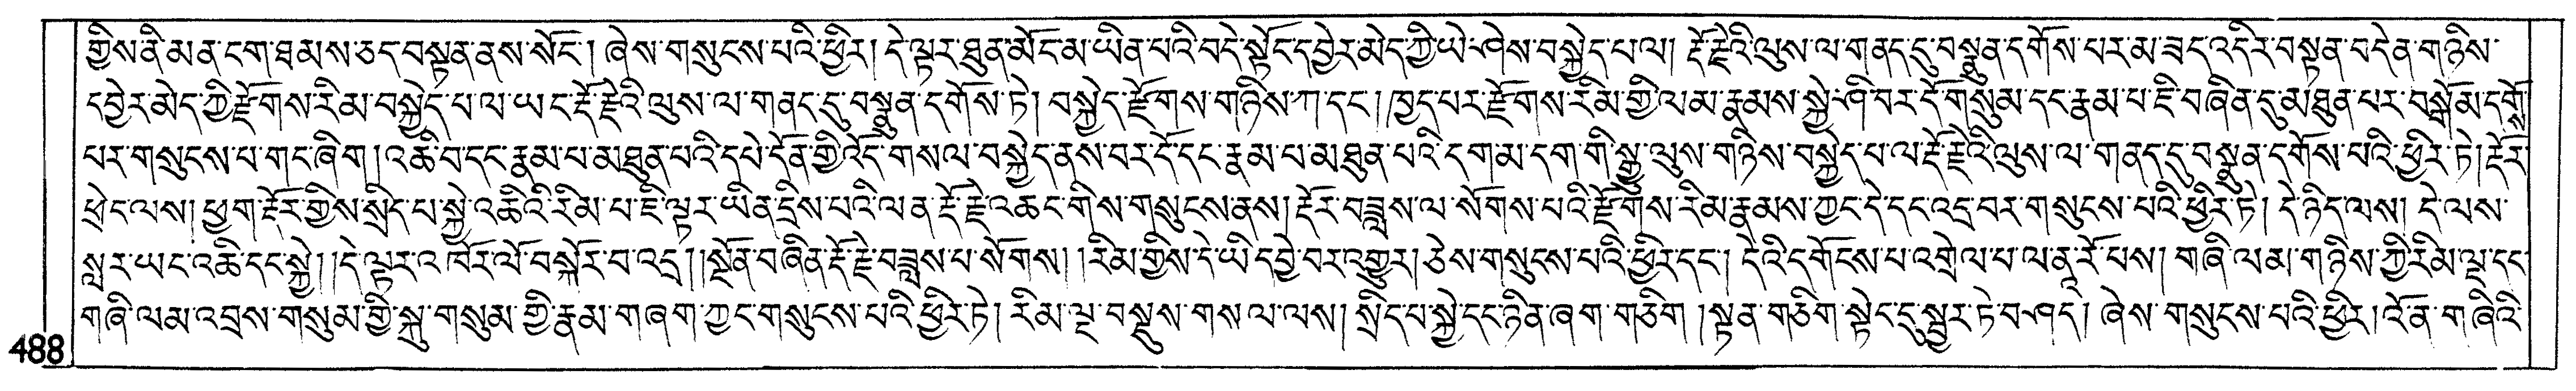གྱིས་ནི་མན་ངག་ཐམས་ཅད་བསྟན་ནས་སོང་། ཞེས་གསུངས་པའི་ཕྱིར། དེ་ལྟར་ཐུན་མོང་མ་ཡིན་པའི་བདེ་སྟོང་དབྱེར་མེད་ཀྱི་ཡེ་ཤེས་བསྐྱེད་པ་ལ། རྡོ་རྗེའི་ལུས་ལ་གནད་དུ་བསྣུན་དགོས་པར་མ་ཟད་འདིར་བསྟན་བདེན་གཉིས་
དབྱེར་མེད་ཀྱི་རྫོགས་རིམ་བསྐྱེད་པ་ལ་ཡང་རྡོ་རྗེའི་ལུས་ལ་གནད་དུ་བསྣུན་དགོས་ཏེ། བསྐྱེད་རྫོགས་གཉིས་ཀ་དང་། ཁྱད་པར་རྫོགས་རིམ་གྱི་ལམ་རྣམས་སྐྱེ་ཤི་བར་དོ་གསུམ་དང་རྣམ་པ་ཇི་བཞིན་དུ་མཐུན་པར་བསྒོམ་དགོས་
པར་གསུངས་པ་གང་ཞིག །འཆི་བ་དང་རྣམ་པ་མཐུན་པའི་དཔེ་དོན་གྱི་འོད་གསལ་བསྐྱེད་ནས་བར་དོ་དང་རྣམ་པ་མཐུན་པའི་དག་མ་དག་གི་སྒྱུ་ལུས་གཉིས་བསྐྱེད་པ་ལ་རྡོ་རྗེའི་ལུས་ལ་གནད་དུ་བསྣུན་དགོས་པའི་ཕྱིར་ཏེ། རྡོར་
ཕྲེང་ལས། ཕྱག་རྡོར་གྱིས་སྲིད་པ་སྐྱེ་འཆིའི་རིམ་པ་ཇི་ལྟར་ཡིན་དྲིས་པའི་ལན་རྡོ་རྗེ་འཆང་གིས་གསུངས་ནས། རྡོར་བཟླས་ལ་སོགས་པའི་རྫོགས་རིམ་རྣམས་ཀྱང་དེ་དང་འདྲ་བར་གསུངས་པའི་ཕྱིར་ཏེ། དེ་ཉིད་ལས། དེ་ལས་
སླར་ཡང་འཆི་དང་སྐྱེ། །དེ་ལྟར་འཁོར་ལོ་བསྐོར་བ་འདྲ། །སྔོན་བཞིན་རྡོ་རྗེ་བཟླས་པ་སོགས། །རིམ་གྱིས་དེ་ཡི་དབྱེ་བར་འགྱུར། ཅེས་གསུངས་པའི་ཕྱིར་དང་། དེའི་དགོངས་པ་འགྲེལ་པ་ལ་ནཱ་རོ་པས། གཞི་ལམ་གཉིས་ཀྱི་རིམ་ལྔ་དང་
གཞི་ལམ་འབྲས་གསུམ་གྱི་སྐུ་གསུམ་གྱི་རྣམ་གཞག་ཀྱང་གསུངས་པའི་ཕྱིར་ཏེ། རིམ་ལྔ་བསྡུས་གསལ་ལས། སྲིད་པ་སྐྱེ་དང་ཉིན་ཞག་གཅིག །སྟན་གཅིག་སྟེང་དུ་སྦྱར་ཏེ་བཤད། ཞེས་གསུངས་པའི་ཕྱིར། འོ་ན་གཞིའི་